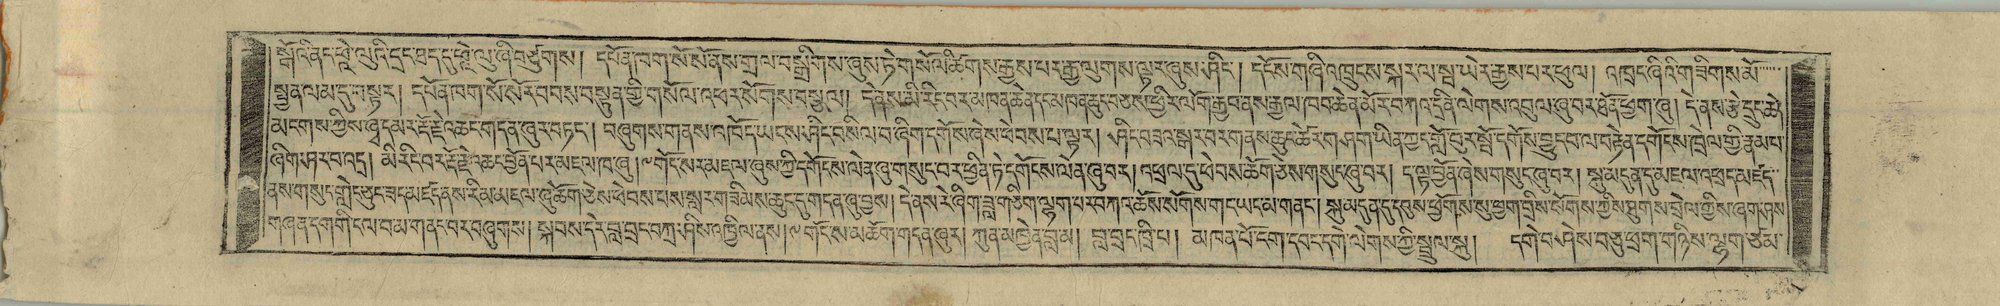སྒོའི་ནང་ཕE་ལུའི་དྲང་ཐད་དུ་ཕE་ལུ་ཞི་བཙུགས། དཔོན་ཁག་སོ་སོ་ནས་གྲལ་བསྒྲིགས་ཞུས་ཏེ་གསོལ་ཚིགས་རྒྱས་པར་རྒྱ་ལུགས་ལྟར་ཞུས་ཤིང་། དངོས་གཞི་འཁྲུངས་སྐར་ལ་སྦ་ཡེར་རྒྱས་པར་ཕུལ། འཁྲང་ཞིའི་གཟིགས་མོ་
སྤྱན་ལམ་དུ་བསྟར། དཔོན་ཁག་སོ་སོར་བབས་བསྟུན་གྱི་གསོལ་འཕར་སོགས་བསྩལ། དེ་ནས་མི་རིང་བར་མཁན་ཆེན་དང་མཁན་ཆུང་བཅས་ཕྱིར་ལོག་རྒྱབ་ནས་རྒྱལ་ཁབ་ཆེན་མོར་བཀའ་དྲིན་ལེགས་འབུལ་ཞུ་བར་ཐོན་ཕྱག་ཞུ། དེ་ནས་རྩེ་དྲུང་ཆེད་
མངགས་ཀྱིས་ཞྭ་དམར་རྡོ་རྗེ་འཆང་གདན་ཞུར་བཏང་། བཞུགས་གནས་འཁོད་ཡངས་ཤིང་བསིལ་བ་ཞིག་དགོས་ཞེས་ཕེབས་པ་ལྟར། ཤིང་བཟའ་སྒར་བར་གནས་ཆུང་ཚེར་གཤག་ཡིན་ཀྱང་གློ་བུར་སྦོ་དགོས་བྱུང་བ་ལ་བརྟེན་དགོངས་ཁྲེལ་གྱི་རྣམ་པ་
ཞིག་ཤར་བ་འདྲ། མི་རིང་བར་རྡོ་རྗེ་འཆང་བྱོན་པར་མཇལ་ཁ་ཞུ། ༧གོང་སར་མཇལ་ཞུས་ཀྱི་དགོངས་ལེན་ཞུ་གསུང་བར་ཕྱིན་ཏེ་དགོངས་ལེན་ཞུ་བར། འཕྲལ་དུ་ཕེབས་ཆོག་ཅེས་གསུང་ཞུ་བར། ད་ལྟ་བྱོན་ཞེས་གསུང་ཞུ་བར། སྐུ་མདུན་དུ་མཇལ་འཕྲད་མཛད་
ནས་གསུང་གླེང་ཅུང་ཟད་མཛད་ནས་རིམ་མཇལ་ཞུ་ཆོག་ཅེས་ཕེབས་པས་སླར་གཟིམས་ཆུང་དུ་གདན་ཞུ་བྱས། དེ་ནས་རེ་ཞིག་ཟླ་གཅིག་ལྷག་པར་བཀའ་ཆོས་སོགས་གང་ཡང་མ་གནང་། སྐུ་མདུན་དུ་དབུས་ཕྱོགས་སུ་ཕྱག་བྲིས་སོགས་ཀྱིས་ཐུགས་བྲེལ་གྱིས་ཞག་ཤས་
གཞན་དག་གི་ངལ་བ་མ་གནང་བར་བཞུགས། སྐབས་དེར་བླ་བྲང་བཀྲ་ཤིས་འཁྱིལ་ནས། ༧གོང་ས་མཆོག་གདན་ཞུར། ཀུན་མཁྱེན་བླ་མ། བླ་བྲང་ཁྲི་པ། མཁན་པོ་ངག་དབང་དགེ་ལེགས་ཀྱི་སྤྲུལ་སྐུ། དགེ་བཤེས་བཅུ་ཕྲག་གཉིས་ལྷག་ཙམ་